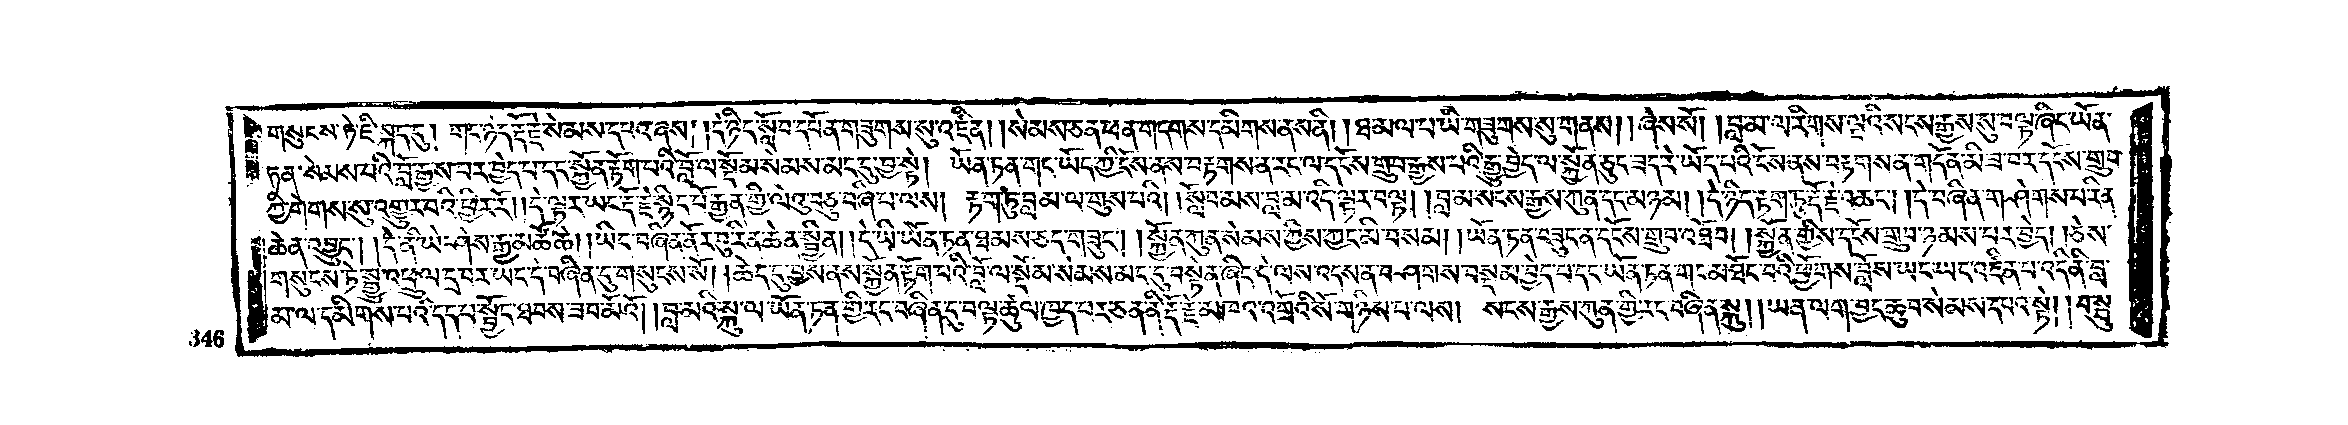གསུངས་ཏེ་ཇི་སྐད་དུ། གང་ཉིད་རྡོ་རྗེ་སེམས་དཔའ་ཞས། །དེ་ཉིད་སློབ་དཔོན་གཟུགས་སུ་འཛིན། །སེམས་ཅན་ཕན་གདགས་དམིགས་ནས་ནི། །ཐ་མལ་པ་ཡི་གཟུགས་སུ་གནས། །ཞེས་སོ། །བླ་མ་ལ་རིགས་ལྔའི་སངས་རྒྱས་སུ་བལྟ་ཞིང་ཡོན་
ཏན་སེམས་པའི་བློ་རྒྱས་པར་བྱེད་པ་དང་སྐྱོན་རྟོག་པའི་བློ་ལ་སྡོམ་སེམས་མང་དུ་བྱ་སྟེ། ཡོན་ཏན་གང་ཡོད་ཀྱི་ངོས་ནས་བརྟགས་ན་རང་ལ་དངོས་གྲུབ་རྒྱས་པའི་རྒྱུ་བྱེད་ལ་སྐྱོན་ཅུང་ཟད་རེ་ཡོད་པའི་ངོས་ནས་བརྟགས་ན་གདོན་མི་ཟ་བར་དངོས་གྲུབ་
ཀྱི་གེགས་སུ་འགྱུར་བའི་ཕྱིར་རོ། །དེ་ལྟར་ཡང་རྡོ་རྗེ་སྙིང་པོ་རྒྱན་གྱི་ལེའུ་བཅུ་བཞི་པ་ལས། རྟག་ཏུ་བླ་མ་ལ་གུས་པའི། །སློབ་མས་བླ་མ་འདི་ལྟར་བལྟ། །བླ་མ་སངས་རྒྱས་ཀུན་དང་མཉམ། །དེ་ཉིད་རྟག་ཏུ་རྡོ་རྗེ་འཆང་། །དེ་བཞིན་གཤེགས་པ་རིན་
ཆེན་འབྱུང་། །དེ་ནི་ཡེ་ཤེས་རྒྱ་མཚོ་ཆེ། །ཡིད་བཞིན་ནོར་བུ་རིན་ཆེན་སྦྱིན། །དེ་ཡི་ཡོན་ཏན་ཐམས་ཅད་གཟུང་། །སྐྱོན་ཀུན་སེམས་ཀྱིས་ཀྱང་མི་བསམ། །ཡོན་ཏན་བཟུང་ན་དངོས་གྲུབ་འཐོབ། །སྐྱོན་གྱིས་དངོས་གྲུབ་ཉམས་པར་བྱེད། །ཅེས་
གསུངས་ཏེ་སྒྱུ་འཕྲུལ་དྲ་བར་ཡང་དེ་བཞིན་དུ་གསུངས་སོ། །ཆེད་དུ་བྱེས་ནས་སྐྱོན་རྟོག་པའི་བློ་ལ་སྡོམ་སེམས་མང་དུ་བསྟེན་ཞིང་དེ་ལས་འདས་ན་བཤགས་བསྡམ་བྱེད་པ་དང་ཡོན་ཏན་གང་མཐོང་བའི་ཕྱོགས་བློས་ཡང་ཡང་འཛིན་པ་འདི་ནི་བླ་
མ་ལ་དམིགས་པའི་དད་པ་སྦྱོང་ཐབས་ཟབ་མོའོ། །བླ་མའི་སྐུ་ལ་ཡོན་ཏན་གྱི་རང་བཞིན་དུ་བལྟ་ཚུལ་ཁྱད་པར་ཅན་ནི་རྡོ་རྗེ་མཁའ་འགྲོའི་སོ་གཉིས་པ་ལས། སངས་རྒྱས་ཀུན་གྱི་རང་བཞིན་སྐུ། །ཡན་ལག་བྱང་ཆུབ་སེམས་དཔའ་སྟེ། །བ་སྦུ་